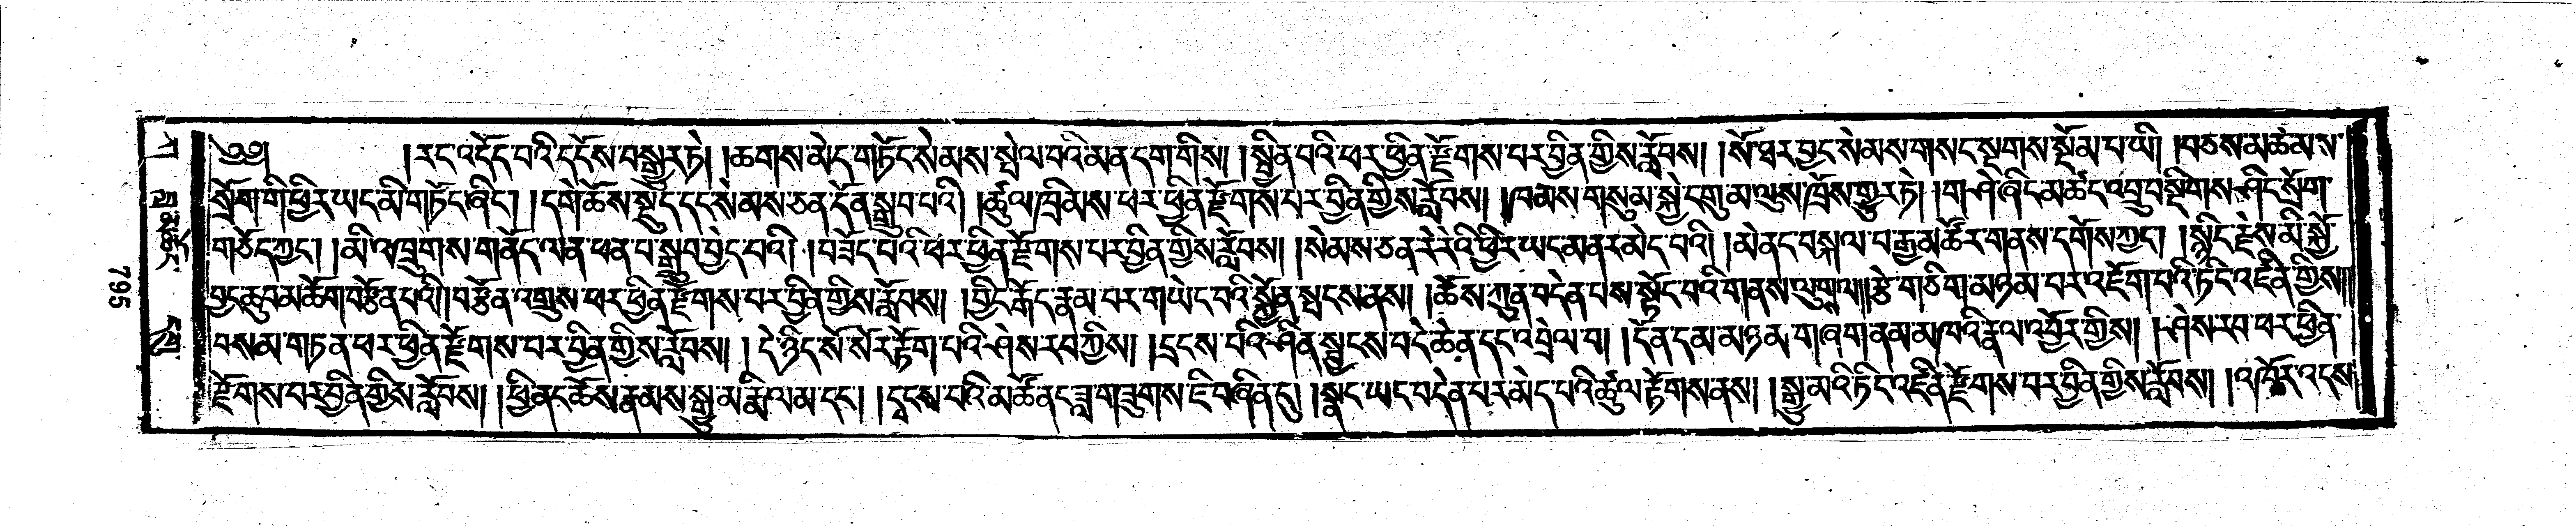༄༅། །རང་འདོད་པའི་དངོས་བསྒྱུར་ཏེ། །ཆགས་མེད་གཏོང་སེམས་སྤེལ་བའི་མན་ངག་གིས། །སྦྱིན་པའི་ཕར་ཕྱིན་རྫོགས་པར་བྱིན་གྱིས་རློབས། །སོ་ཐར་བྱང་སེམས་གསང་སྔགས་སྡོམ་པ་ཡི། །བཅས་མཚམས་
སྲོག་གི་ཕྱིར་ཡང་མི་གཏང་ཞིང་། །དགེ་ཆོས་སྡུད་དང་སེམས་ཅན་དོན་སྒྲུབ་པའི། །ཚུལ་ཁྲིམས་ཕར་ཕྱིན་རྫོགས་པར་བྱིན་གྱིས་རློབས། །ཁམས་གསུམ་སྐྱེ་དགུ་མ་ལུས་ཁྲོས་གྱུར་ཏེ། །གཤེ་ཞིང་མཚང་འབྲུ་བསྡིགས་ཤིང་སྲོག་
གཅོད་ཀྱང་། །མི་འཁྲུགས་གནོད་ལན་ཕན་པ་སྒྲུབ་བྱེད་པའི། །བཟོད་པའི་ཕར་ཕྱིན་རྫོགས་པར་བྱིན་གྱིས་རློབས། །སེམས་ཅན་རེ་རེའི་ཕྱིར་ཡང་མནར་མེད་པའི། །མེ་ནང་བསྐལ་པ་རྒྱ་མཚོར་གནས་དགོས་ཀྱང་། །སྙིང་རྗེས་མི་སྐྱོ་
བྱང་ཆུབ་མཆོག་བརྩོན་པའི། །བརྩོན་འགྲུས་ཕར་ཕྱིན་རྫོགས་པར་བྱིན་གྱིས་རློབས། །བྱིང་རྒོད་རྣམ་པར་གཡེང་བའི་སྐྱོན་སྤངས་ནས། །ཆོས་ཀུན་བདེན་པས་སྟོང་པའི་གནས་ལུགས་ལ། །རྩེ་གཅིག་མཉམ་པར་འཇོག་པའི་ཏིང་འཛིན་གྱིས།།
བསམ་གཏན་ཕར་ཕྱིན་རྫོགས་པར་བྱིན་གྱིས་རློབས། །དེ་ཉིད་སོ་སོར་རྟོག་པའི་ཤེས་རབ་ཀྱིས། །དྲངས་པའི་ཤིན་སྦྱངས་བདེ་ཆེན་དང་འབྲེལ་བ། །དོན་དམ་མཉམ་གཞག་ནམ་མཁའི་རྣལ་འབྱོར་གྱིས། །ཤེས་རབ་ཕར་ཕྱིན་
རྫོགས་པར་བྱིན་གྱིས་རློབས། །ཕྱི་ནང་ཆོས་རྣམས་སྒྱུ་མ་རྨི་ལམ་དང་། །དྭངས་པའི་མཚོ་ནང་ཟླ་གཟུགས་ཇི་བཞིན་དུ། །སྣང་ཡང་བདེན་པར་མེད་པའི་ཚུལ་རྟོགས་ནས། །སྒྱུ་མའི་ཏིང་འཛིན་རྫོགས་པར་བྱིན་གྱིས་རློབས། །འཁོར་འདས་